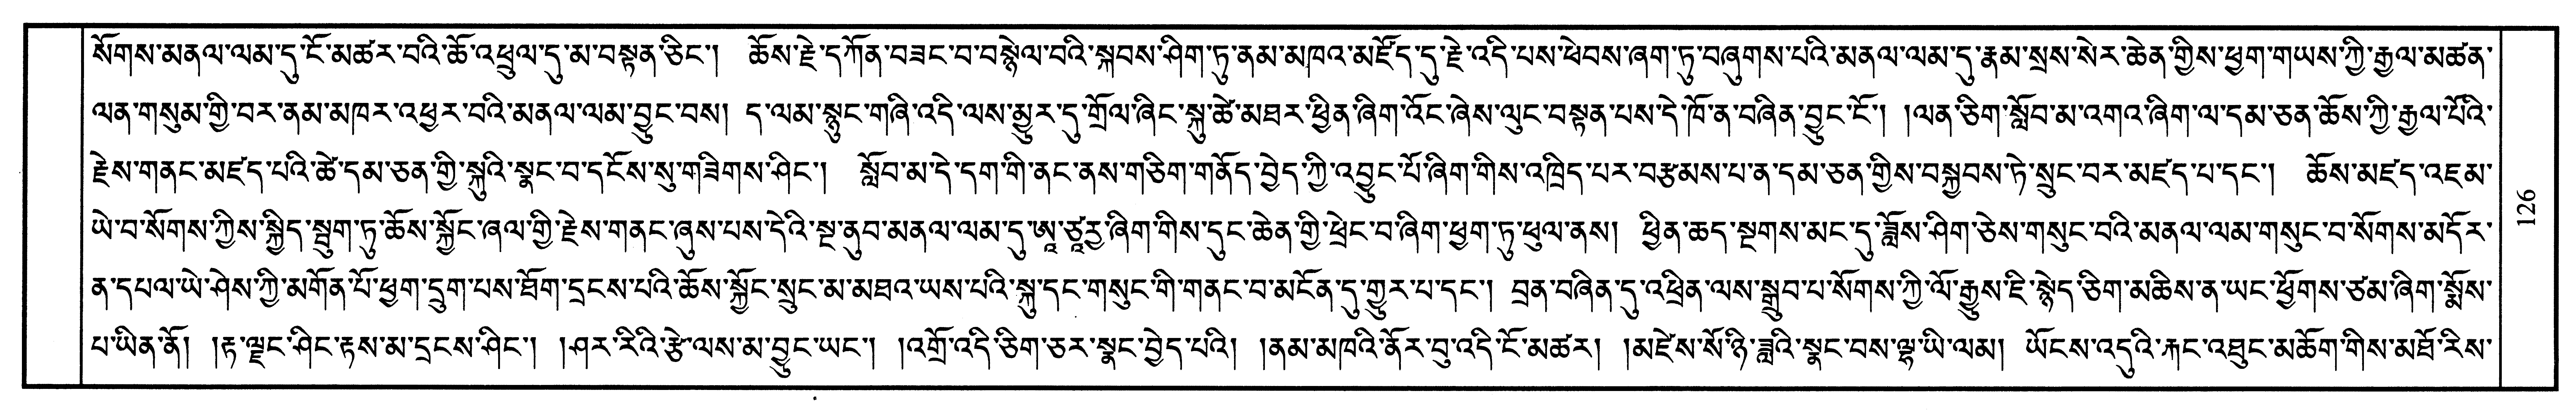སོགས་མནལ་ལམ་དུ་ངོ་མཚར་བའི་ཆོ་འཕྲུལ་དུ་མ་བསྟན་ཅིང་། ཆོས་རྗེ་དཀོན་བཟང་བ་བསྙེལ་བའི་སྐབས་ཤིག་ཏུ་ནམ་མཁའ་མཛོད་དུ་རྗེ་འདི་པས་ཕེབས་ཞག་ཏུ་བཞུགས་པའི་མནལ་ལམ་དུ་རྣམ་སྲས་སེར་ཆེན་གྱིས་ཕྱག་གཡས་ཀྱི་རྒྱལ་མཚན་
ལན་གསུམ་གྱི་བར་ནམ་མཁར་འཕྱར་བའི་མནལ་ལམ་བྱུང་བས། ད་ལམ་སྙུང་གཞི་འདི་ལས་མྱུར་དུ་གྲོལ་ཞིང་སྐུ་ཚེ་མཐར་ཕྱིན་ཞིག་འོང་ཞེས་ལུང་བསྟན་པས་དེ་ཁོ་ན་བཞིན་བྱུང་ངོ། །ལན་ཅིག་སློབ་མ་འགའ་ཞིག་ལ་དམ་ཅན་ཆོས་ཀྱི་རྒྱལ་པོའི་
རྗེས་གནང་མཛད་པའི་ཚེ་དམ་ཅན་གྱི་སྐུའི་སྣང་བ་དངོས་སུ་འབྱུང་པོ་ཞིག་གིས་འཁྲིད་པར་བརྩམས་པ་ན་དམ་ཅན་གྱིས་འབྱུང་པོ་ཞིག་གིས་འཁྲིད་པར་བརྩམས་པ་ན་དམ་ཅན་གྱིས་བསྐྱབས་ཏེ་སྲུང་བར་མཛད་པ་དང་། ཆོས་མཛད་འཇམ་
ཡེ་བ་སོགས་ཀྱིས་སྐྱིད་སྦུག་ཏུ་ཆོས་སྐྱོང་ཞལ་གྱི་རྗེས་གནང་ཞུས་པས་དེའི་སྔ་ནུབ་མནལ་ལམ་དུ་ཨཱ་ཙཱརྱ་ཞིག་གིས་དུང་ཆེན་གྱི་ཕྲེང་བ་ཞིག་ཕྱག་ཏུ་ཕུལ་ནས། ཕྱིན་ཆད་སྔགས་མང་དུ་ཟློས་ཤིག་ཅེས་གསུང་བའི་མནལ་ལམ་གསུང་བ་སོགས་མདོར་
ན་དཔལ་ཡེ་ཤེས་ཀྱི་མགོན་པོ་ཕྱག་དྲུག་པས་ཐོག་དྲངས་པའི་ཆོས་སྐྱོང་སྲུང་མ་མཐའ་ཡས་པའི་སྐུ་དང་གསུང་གི་གནང་བ་མངོན་དུ་གྱུར་པ་དང་། བྲན་བཞིན་དུ་འཕྲིན་ལས་སྒྲུབ་པ་སོགས་ཀྱི་ལོ་རྒྱུས་ཇི་སྙེད་ཅིག་མཆིས་ན་ཡང་ཕྱོགས་ཙམ་ཞིག་སྨོས་
པ་ཡིན་ནོ། །རྟ་ལྗང་ཤིང་རྟས་མ་དྲངས་ཤིང་། །ཤར་རིའི་རྩེ་ལས་མ་བྱུང་ཡང་། །འགྲོ་འདི་ཅིག་ཅར་སྣང་བྱེད་པའི། །ནམ་མཁའི་ནོར་བུ་འདི་ངོ་མཚར། །མཛེས་སོ་ཉི་ཟླའི་སྣང་བས་ལྷ་ཡི་ལམ། ཡོངས་འདུའི་རྐང་འཐུང་མཆོག་གིས་མཐོ་རིས་